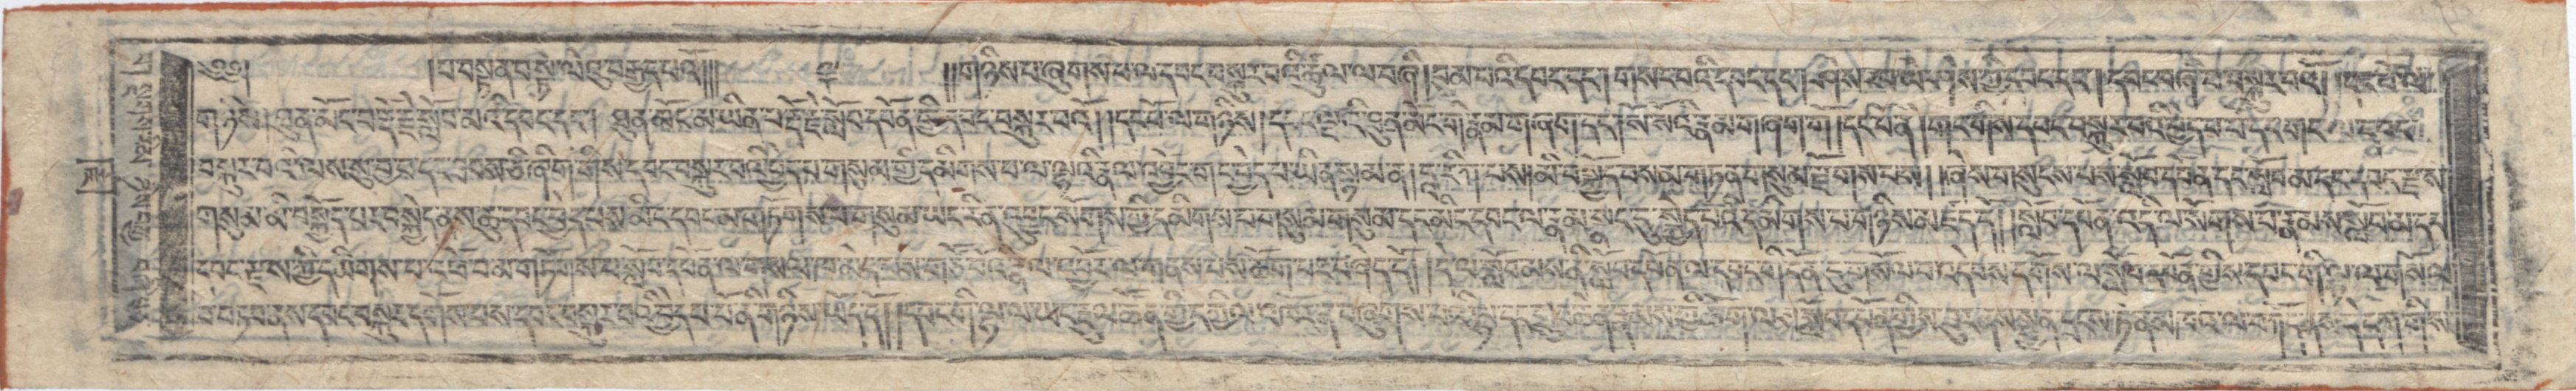༄༅། །པ་བསྟན་བསྟེ་ལེའུ་བརྒྱད་པའོ།།། ༈ །།གཉིས་པ་ཞུགས་པ་ལ་དབང་བསྐུར་བའི་ཚུལ་ལ་བཞི། བུམ་པའི་དབང་དང་། གསང་བའི་དབང་དང་། ཤེས་རབ་ཡེ་ཤེས་ཀྱི་དབང་དང་། དབང་བཞི་པ་བསྐུར་བའོ། །དང་པོ་ལ་
གཉིས། ཐུན་མོང་བ་རྡོ་རྗེ་སློབ་མའི་དབང་དང་། ཐུན་མོང་མ་ཡིན་པ་རྡོ་རྗེ་སློབ་དཔོན་གྱི་དབང་བསྐུར་བའོ། །དང་པོ་ལ་གཉིས། དབང་ལྔའི་ཐུན་མོང་གི་རྣམ་གཞག་དང་། སོ་སོའི་རྣམ་གཞག་གོ །དང་པོ་ནི། གང་གིས་དབང་བསྐུར་བའི་བྱེད་པ་པོ་དང་གང་ལ་དབང་
བསྐུར་བའི་ལས་སུ་བྱ་བ་དང་ཐབས་ཅི་ཞིག་གིས་དབང་བསྐུར་བའི་བྱེད་པ་གསུམ་གྱི་དམིགས་པ་ལ་ལྷའི་རྣལ་འབྱོར་གང་བྱེད་པ་ཡིན་སྙམ་ན། དཱ་རི་ཀ་པས། མི་བསྐྱོད་བསམ་གཏན་གསུམ་རྫོགས་པས། །ཞེས་གསུངས་པས་སློབ་དཔོན་དང་སློབ་མ་དང་དབང་རྫས་
གསུམ་མི་བསྐྱོད་པར་བསྐྱེད་ནས་ཆུ་དབང་བྱེད་པས་མིང་དབང་མ་གཏོགས་པ་གསུམ་ཡང་རིན་འབྱུང་སོགས་ཀྱི་དམིགས་པ་གསུམ་གསུམ་དང་མིང་དབང་ལ་རྣམ་སྣང་དུ་སྐྱེད་པའི་དམིགས་པ་གཉིས་མཛད་དོ། །སློབ་དཔོན་འདི་ལ་སོགས་པ་རྣམས་སློབ་མ་དང་
དབང་རྫས་ཀྱི་དམིགས་པ་འཕོ་བ་མ་གཏོགས་པ་སློབ་དཔོན་ལ་གསལ་ཁ་མེད་པས་གཙོ་བོའི་རྣལ་འབྱོར་ལ་གནས་པས་ཆོག་པར་བཞེད་དོ། །དེ་ལ་སློབ་མས་ནི་སློབ་དཔོན་ལ་དབང་གི་དོན་དུ་གསོལ་བ་འདེབས་དགོས་ལ་སློབ་དཔོན་གྱིས་དབང་གི་ལྷ་ལ་གསོལ་
བ་བཏབ་ནས་དབང་བསྐུར་དགོས་པས་དབང་བསྐུར་བའི་བྱེད་པ་པོ་ནི་གཉིས་ཡོད་དོ། །དབང་གི་ལྷ་ལ་ཡང་རྡུལ་ཚོན་གྱི་དཀྱིལ་འཁོར་ན་བཞུགས་པའི་ལྷ་དང་གྲུབ་ཆེན་རྣམས་ཀྱི་ཆོ་ག་ལས་སློབ་དཔོན་གྱིས་ཟུར་ནས་སྤྱན་དྲངས་ཏེ་ནམ་མཁའ་ལ་བཀོད་ནས་དེ་དག་གིས་